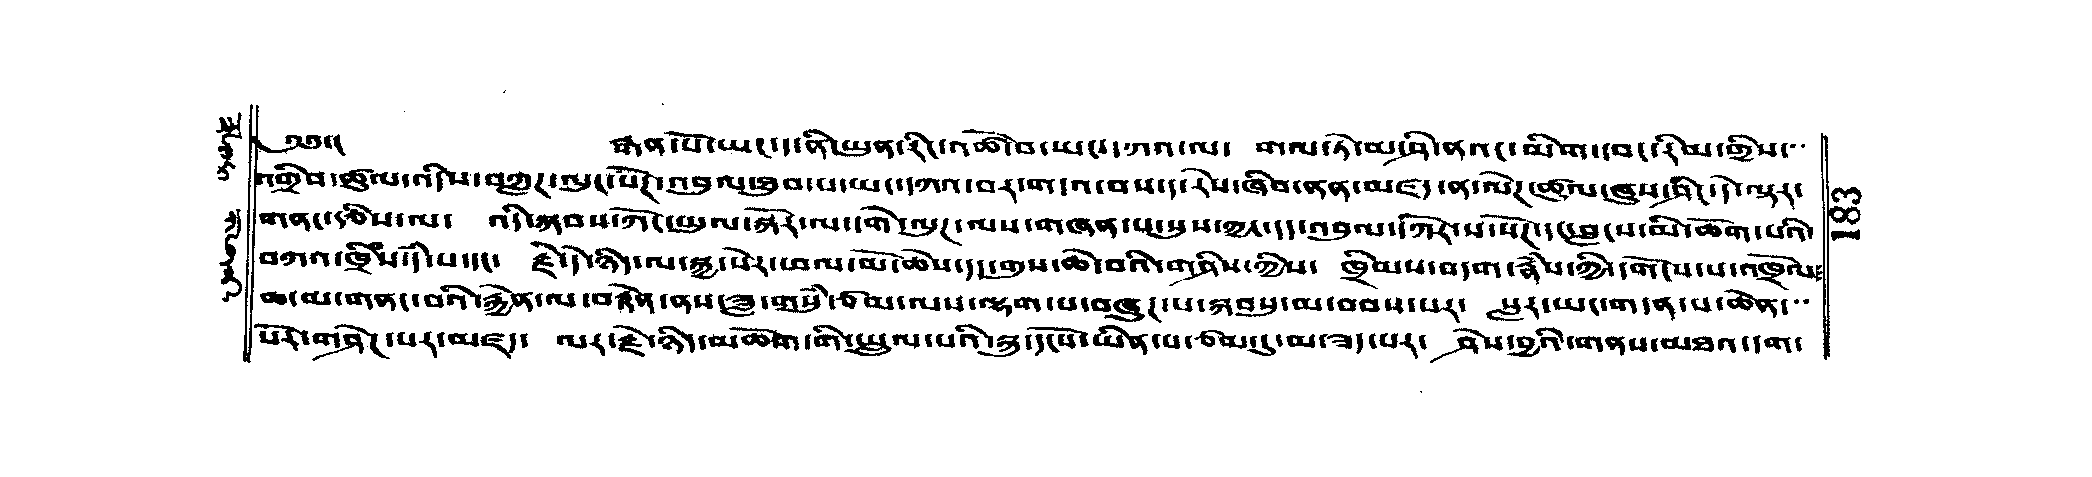རྒན་པོ་ཡང་ད་ནི་ཡུན་རིང་འཚོ་བ་ཡང་དཀའ་ལ། གལ་ཏེ་མ་ཤི་ནའང་མིག་དབང་རིམ་གྱིས་
འགྲིབ་ཚུལ་འདིས་བཀླག་ལུང་སོགས་འབུལ་ཐུབ་པ་ཡང་དཀའ་བར་གདའ་བས་ད་རེས་ཞིབ་ནན་མཛད་ན་ལེགས་ཚུལ་ཞུས་ཤིང་དེ་ལྟར་
གནང་རྩིས་ལ། འདི་སྐབས་ཀོང་ཡུལ་སྐོར་ལ་དགེ་ལུགས་ལས་གཞན་པ་སུས་ཀྱང་དད་འབུལ་དཀོར་ས་སོགས་དང་བླང་མི་ཆོག་པའི་
བཀའ་ཁྲིམས་དམ་པ་དང་། རྗེ་དེ་ཉིད་ལ་སྐྱ་སེར་ཕལ་མོ་ཆེས་དད་གུས་ཆེ་བའི་གཤིས་ཀྱིས། ཁྲིམས་བདག་རྣམས་ཀྱི་དགོངས་པ་འཁྲོལ་
ཆ་མ་གནང་བའི་རྐྱེན་ལ་བརྟེན་ནས་ཟླ་གསུམ་ཙམ་ལས་ལྷག་པ་བཞུགས་པ་སྐབས་སུ་མ་བབས་པར། སླར་ཡང་གདན་ས་ཆེན་
པོར་གཤེགས་པར་མཛད། ལར་རྗེ་ཉིད་མཆོག་གི་སྤྲུལ་པའི་སྐུ་དངོས་ཡིན་པ་ཙམ་དུ་མ་ཟད་པར། ཤེས་བྱའི་གནས་མཐའ་དག་